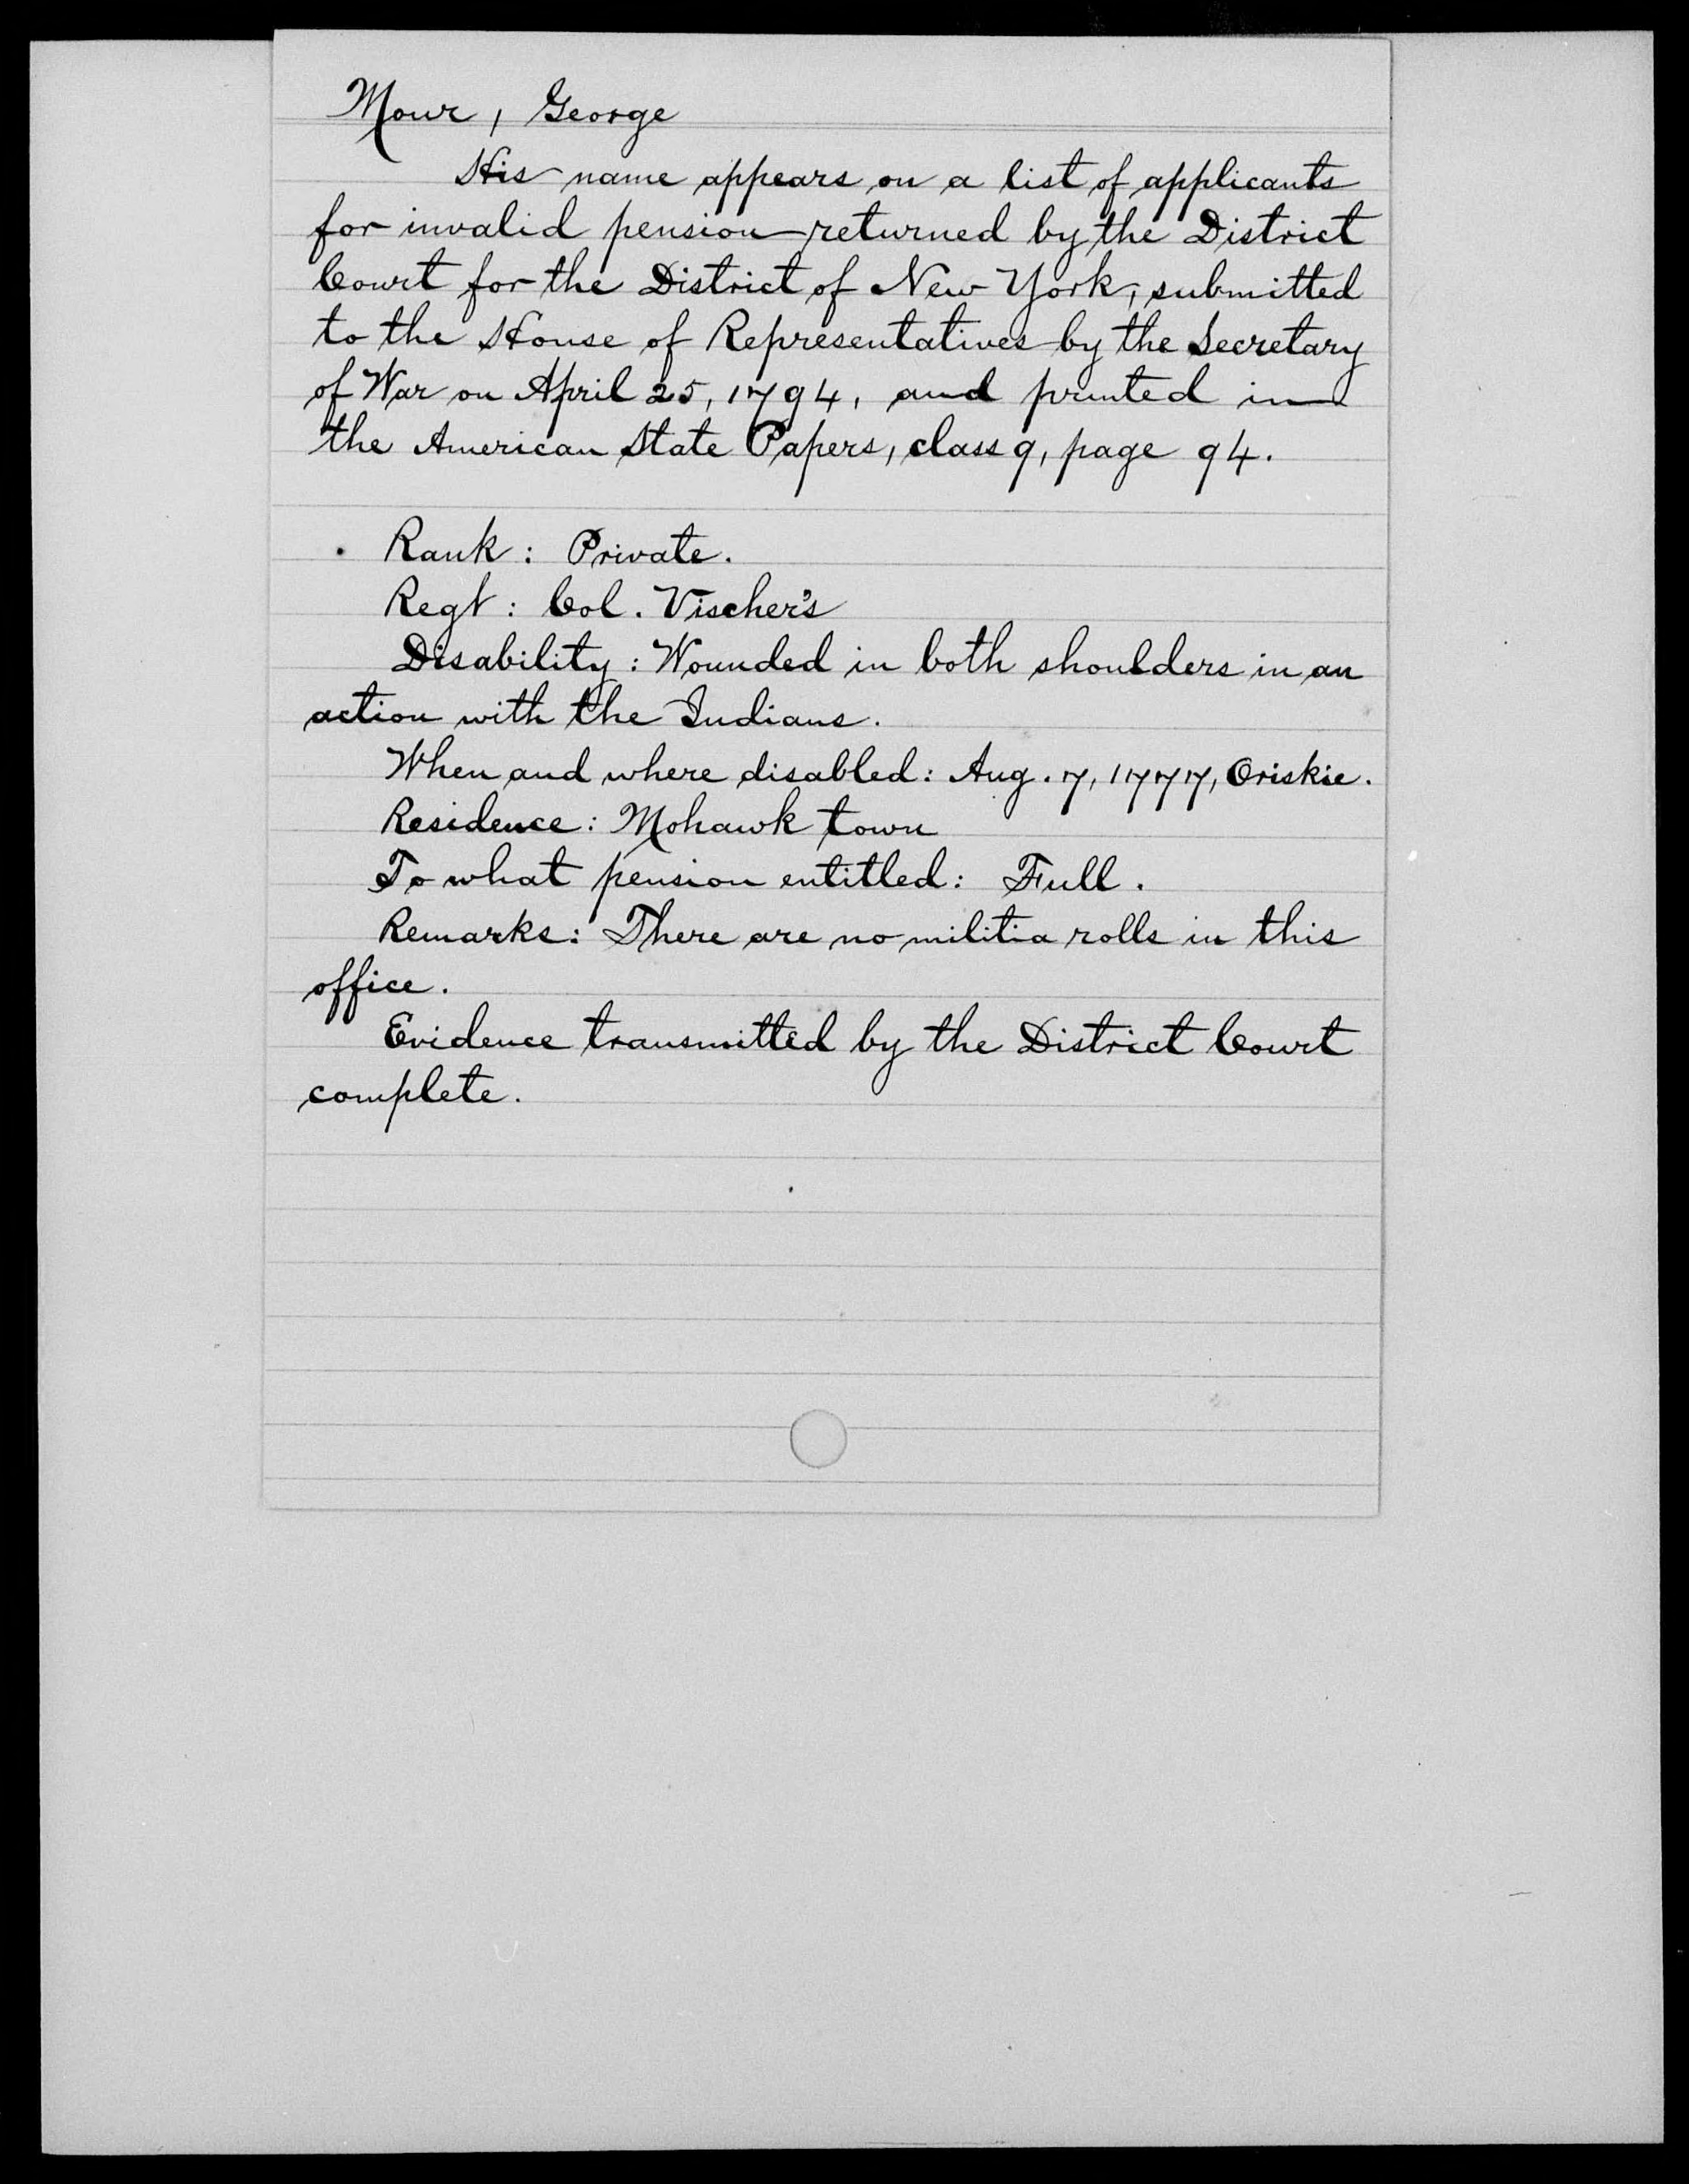Mour, George
His name appears on a list of applicants for invalid pension returned by the District Court for the District of New York, submitted to the House of Representatives by the Secretary of War on April 25, 1794, and printed in the American State Papers, class q, page q 4.
Rank: Private.
Regt: Col. Vischer's
Disability: Wounded in both shoulders in an action with the Indians.
When and where disabled: Aug. 7, 1777, Oriskie.
Residence: Mohawk town
To what pension entitled: Full.
Remarks: There are no militia rolls in this office.
Evidence transmitted by the District Court complete.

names: George Mour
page: 3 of 11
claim: survivor's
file: S. 27,210, for George Mour, New York